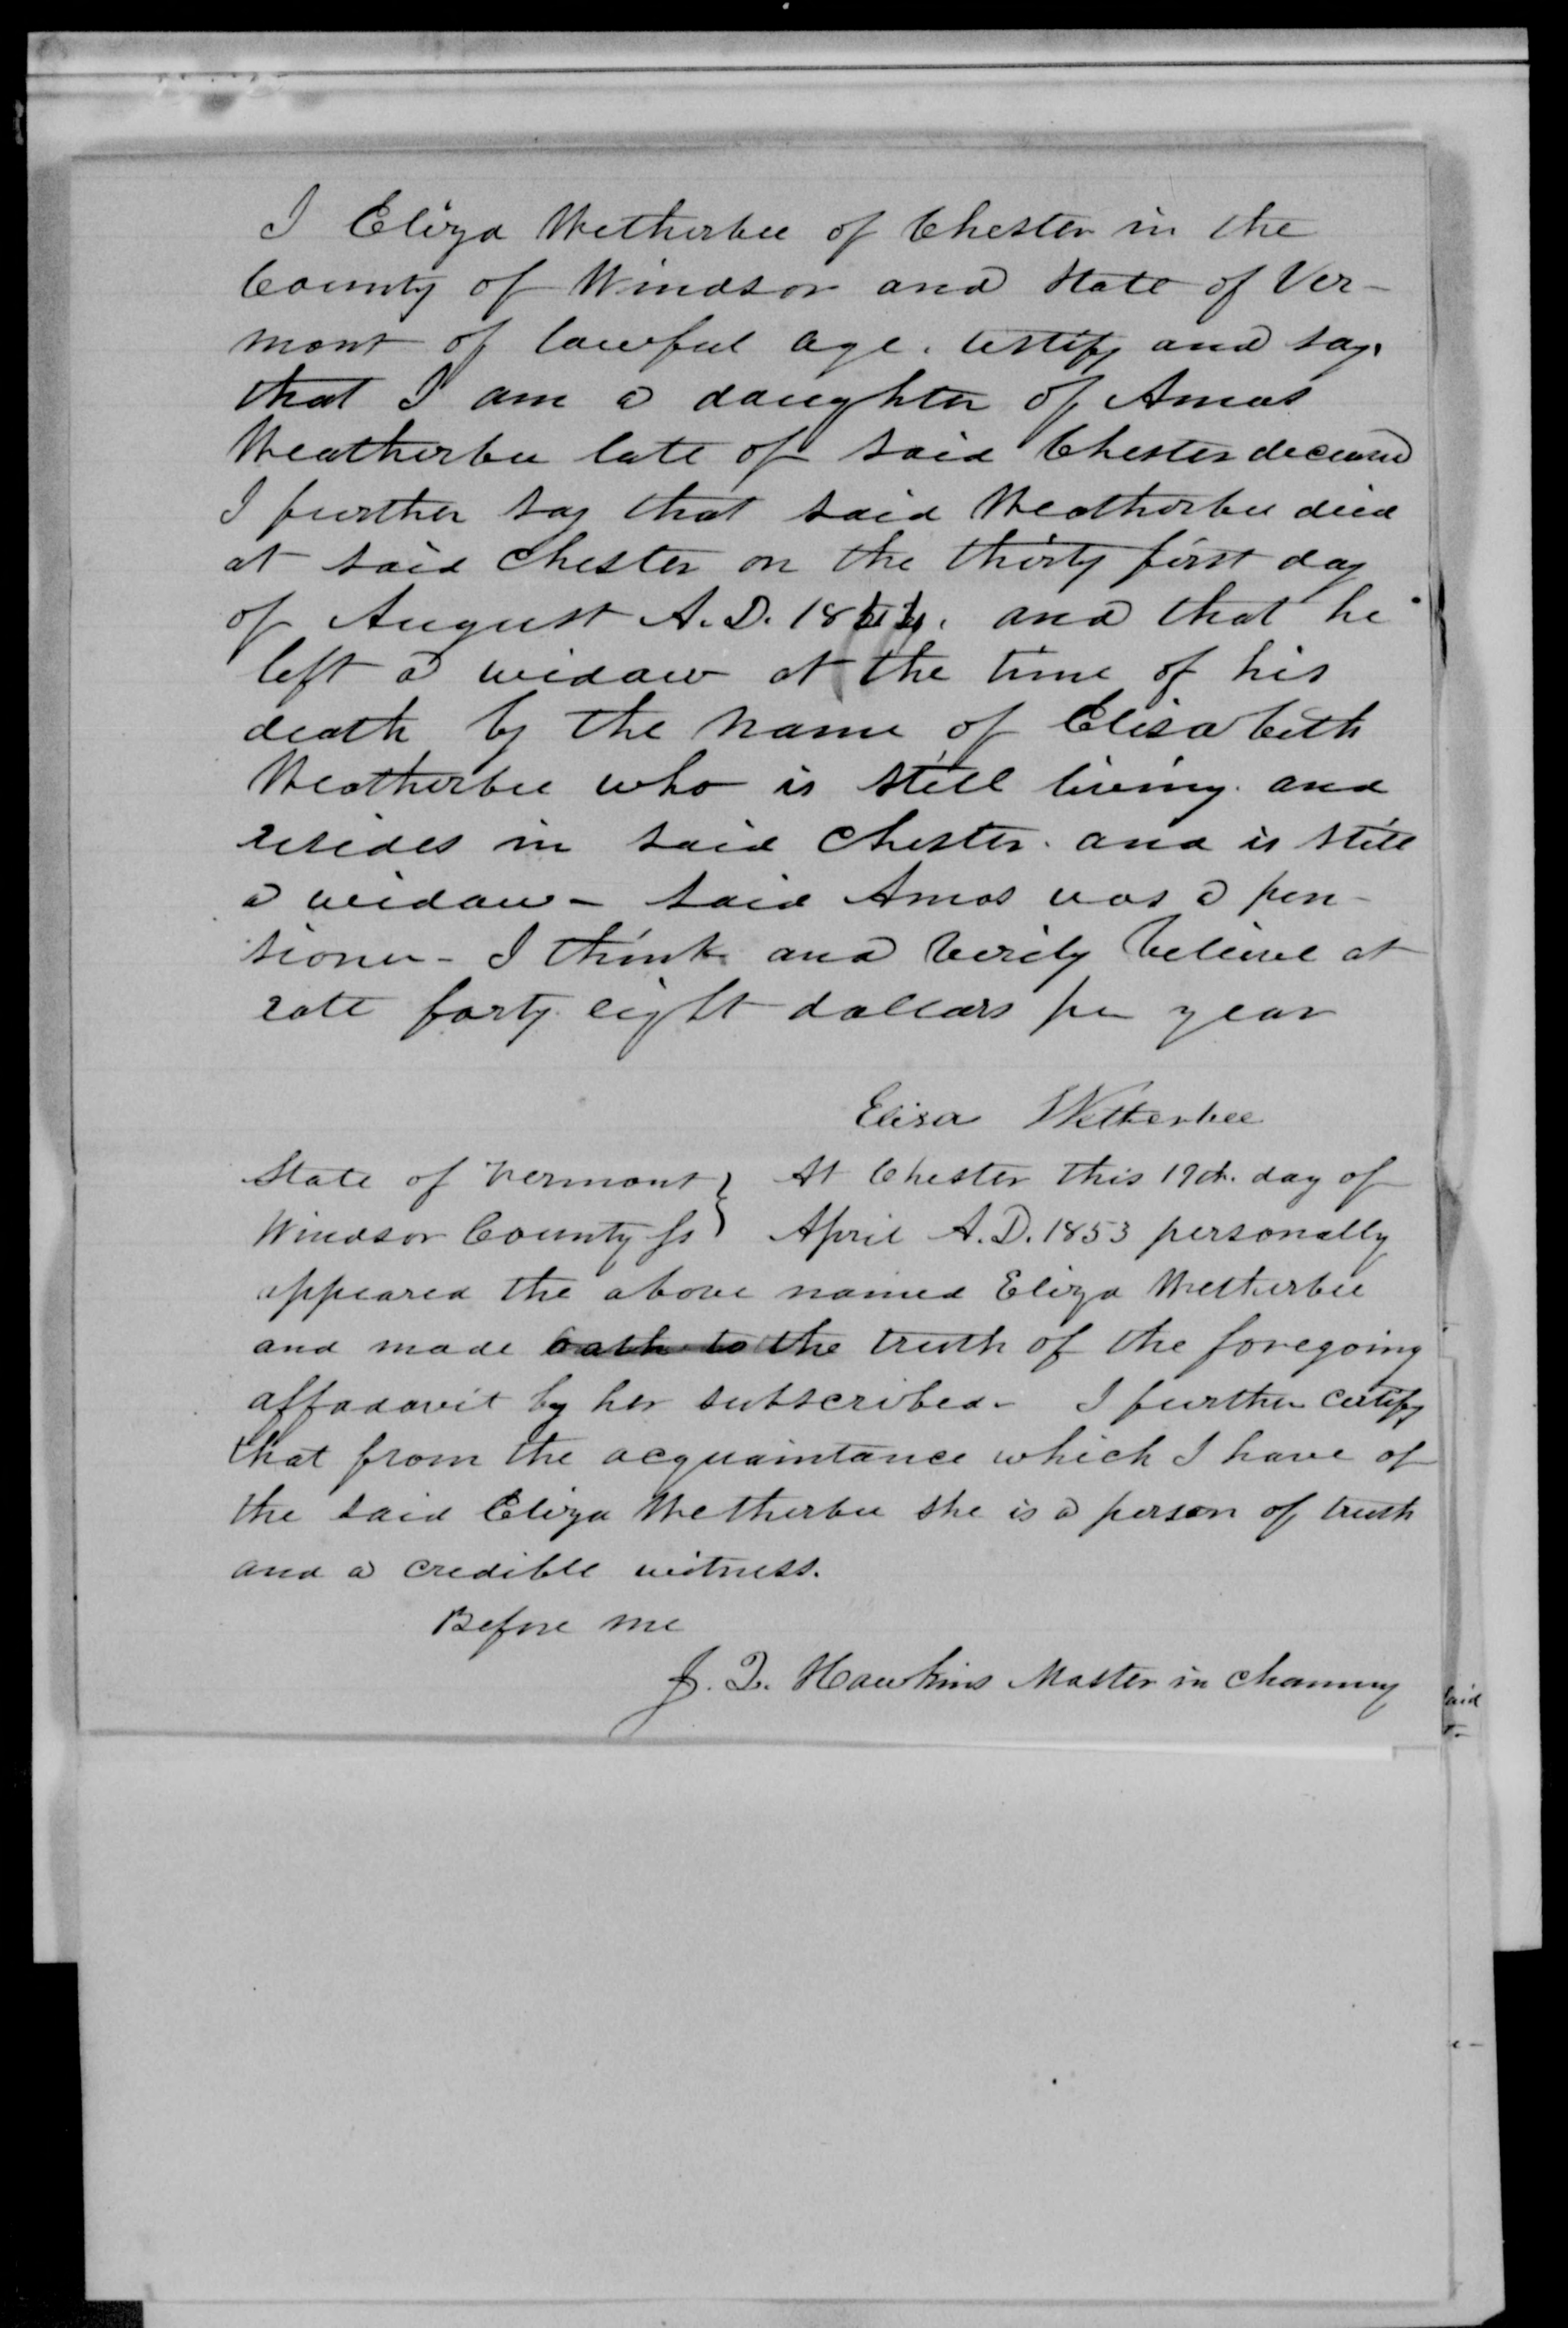I Eliza Wetherbee of Chester in the County of Windsor and State of Vermont of lawful age testify and say that I am a daughter of Amos Weatherbee late of said Chester deceased. I further say that said Weatherbee died at said Chester on the thirty first day of August A. D. 1844, and that he left a widow at the time of his death by the name of Elisabeth Weatherbee who is still living and resides in said Chester and is still a widow. Said Amos was a pensioner I think and verily believe at rate forty eight dollars per year.
Elisa Wetherbee

State of Vermont
Windsor County SS
At Chester this 19th day of April A. D. 1853 personally appeared the above named Eliza Wetherbee and made oath to the truth of the foregoing affadavit by her subscribed. I further certify that from the acquaintance which I have of the said Eliza Wetherbee she is a person of truth and a credible witness.
Before me J. Q. Hawkins, Master in Chancery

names: Elisabeth Weatherbee, Eliza Wetherbee, J Q Hawkins, Amos Weatherbee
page: 18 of 66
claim: widow's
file: W. 2468, Amos Wetherbee, Mass.